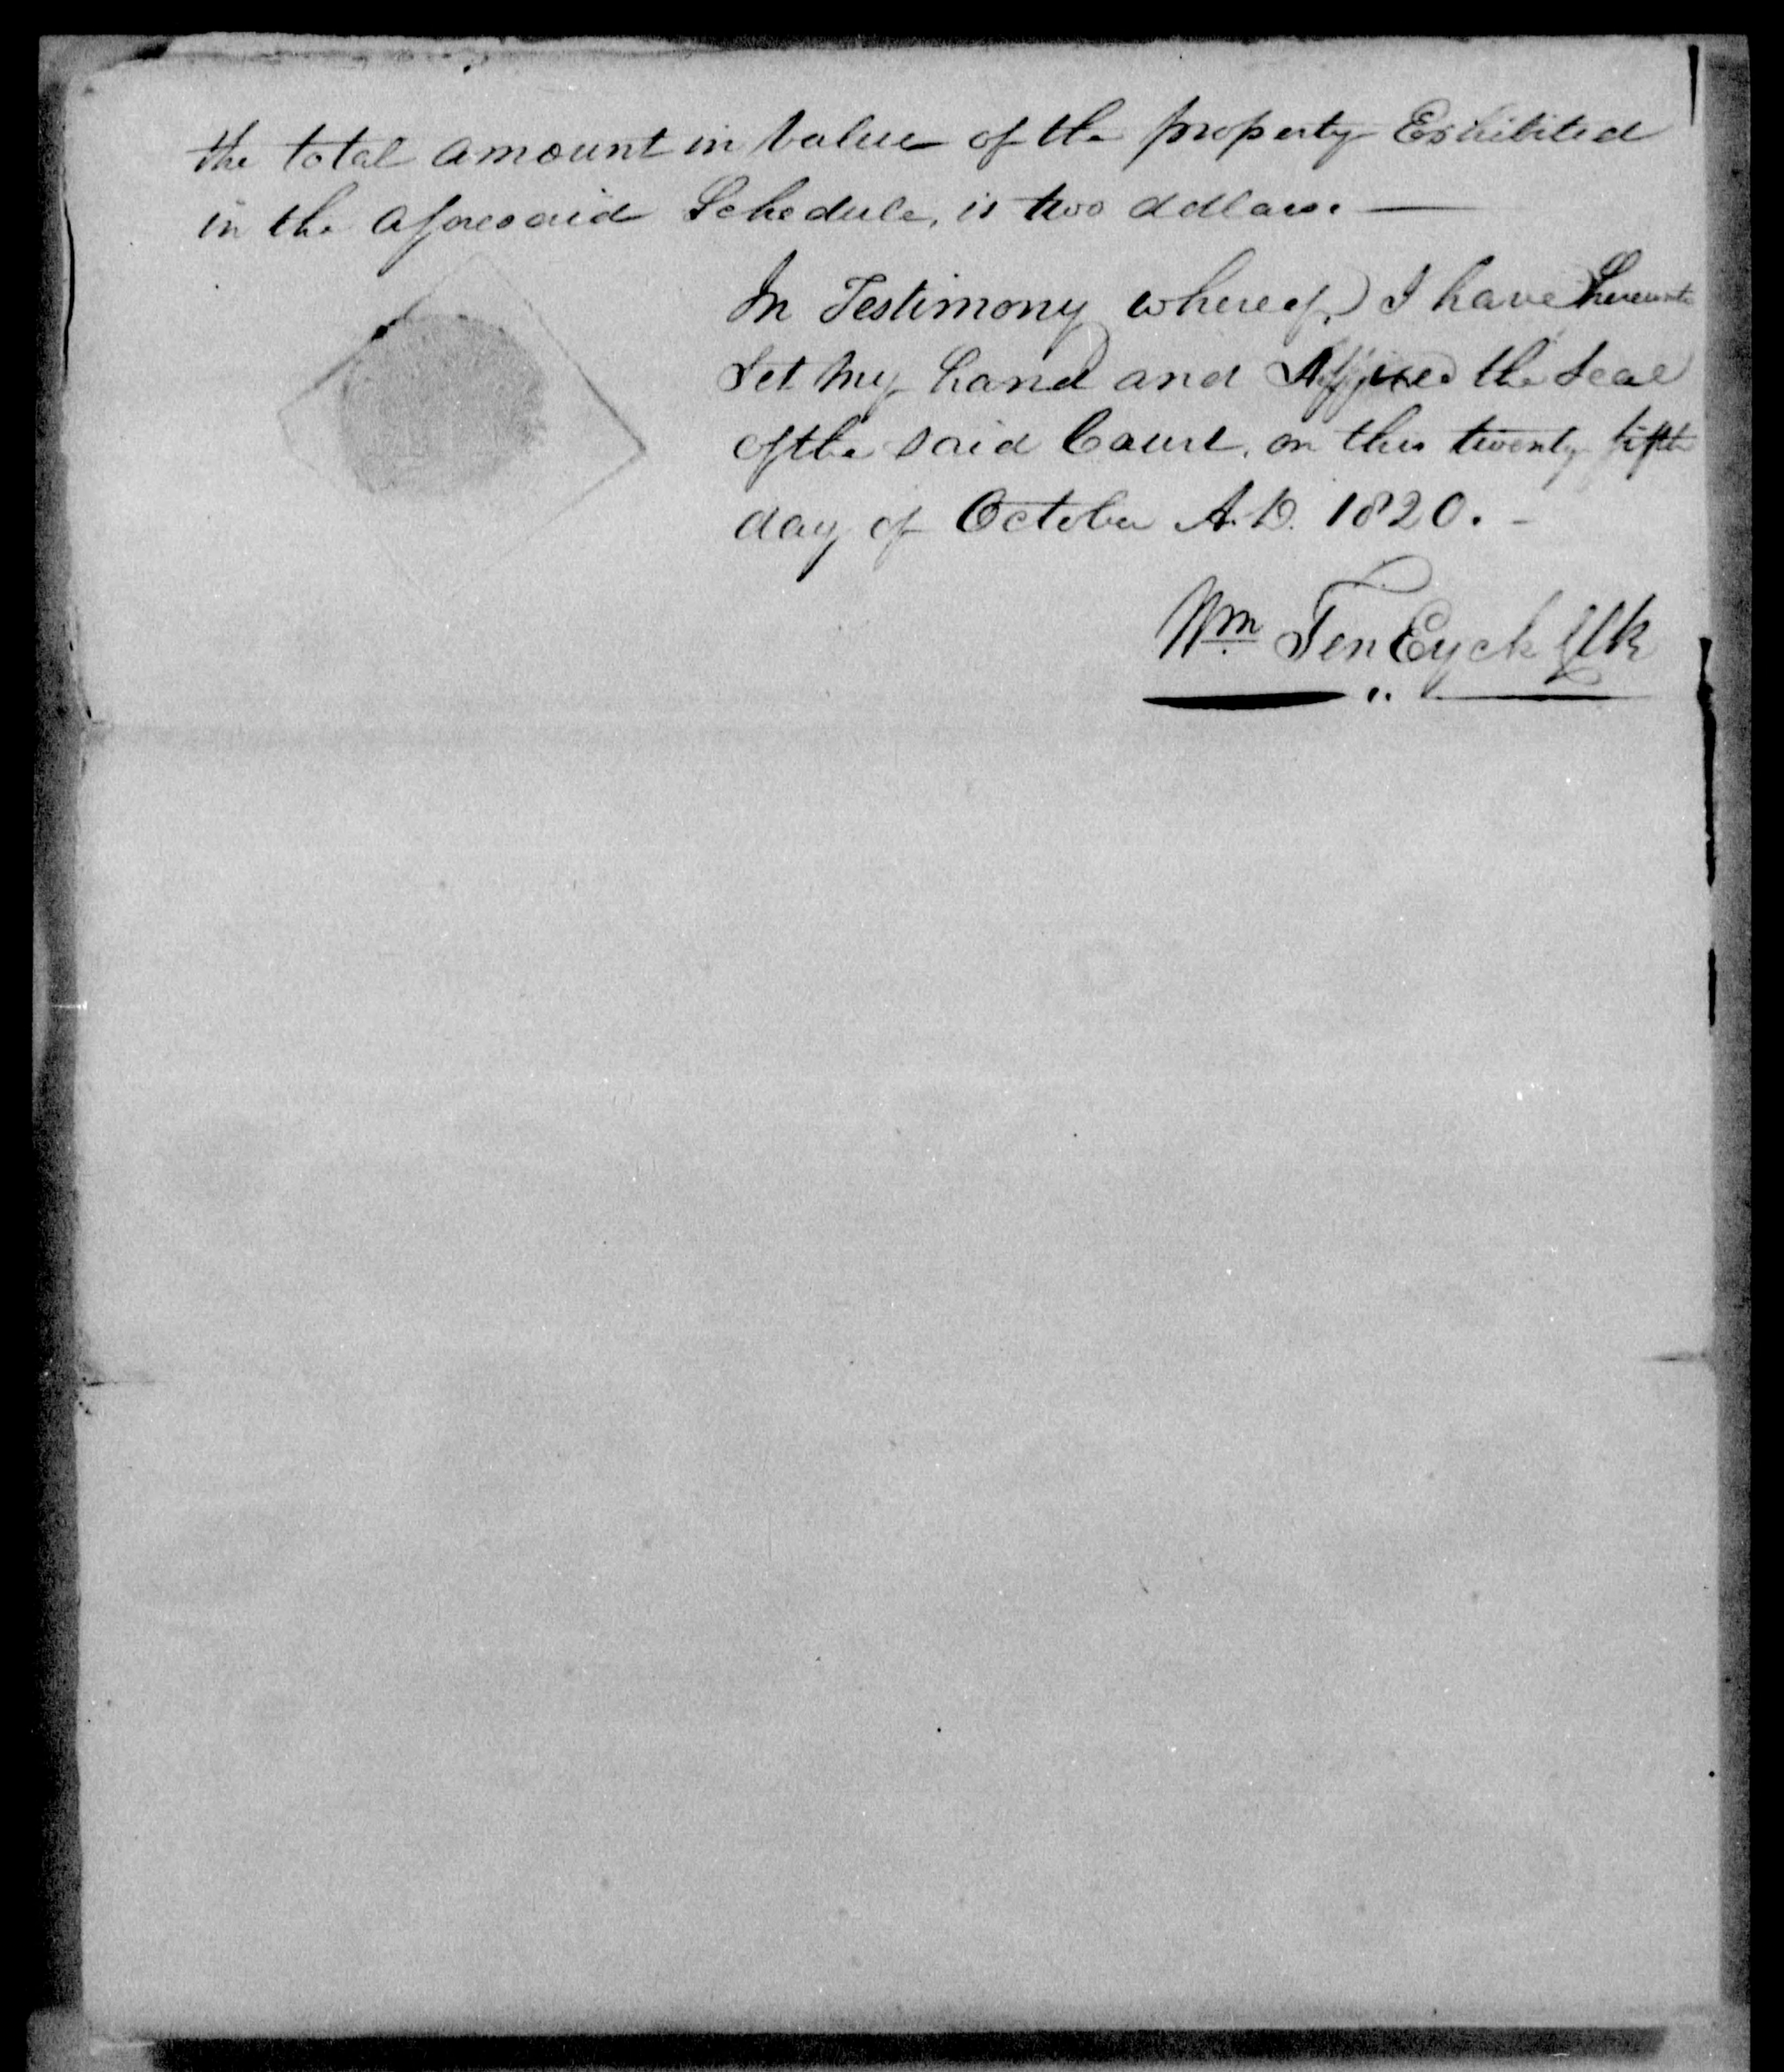the total amount in value of the property Exhibited
in the aforesaid Schedule is two dollars.-

In Testimony whereof, I have hereunto
Set my hand and Affixed the Seal
of the said Court on this twenty fifth
day of October A.D. 1820.-
Wm Ten Eyck Clk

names: Wm Ten Eyck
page: 10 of 21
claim: survivor's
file: S. 33,554, for David Rhea, New Jersey